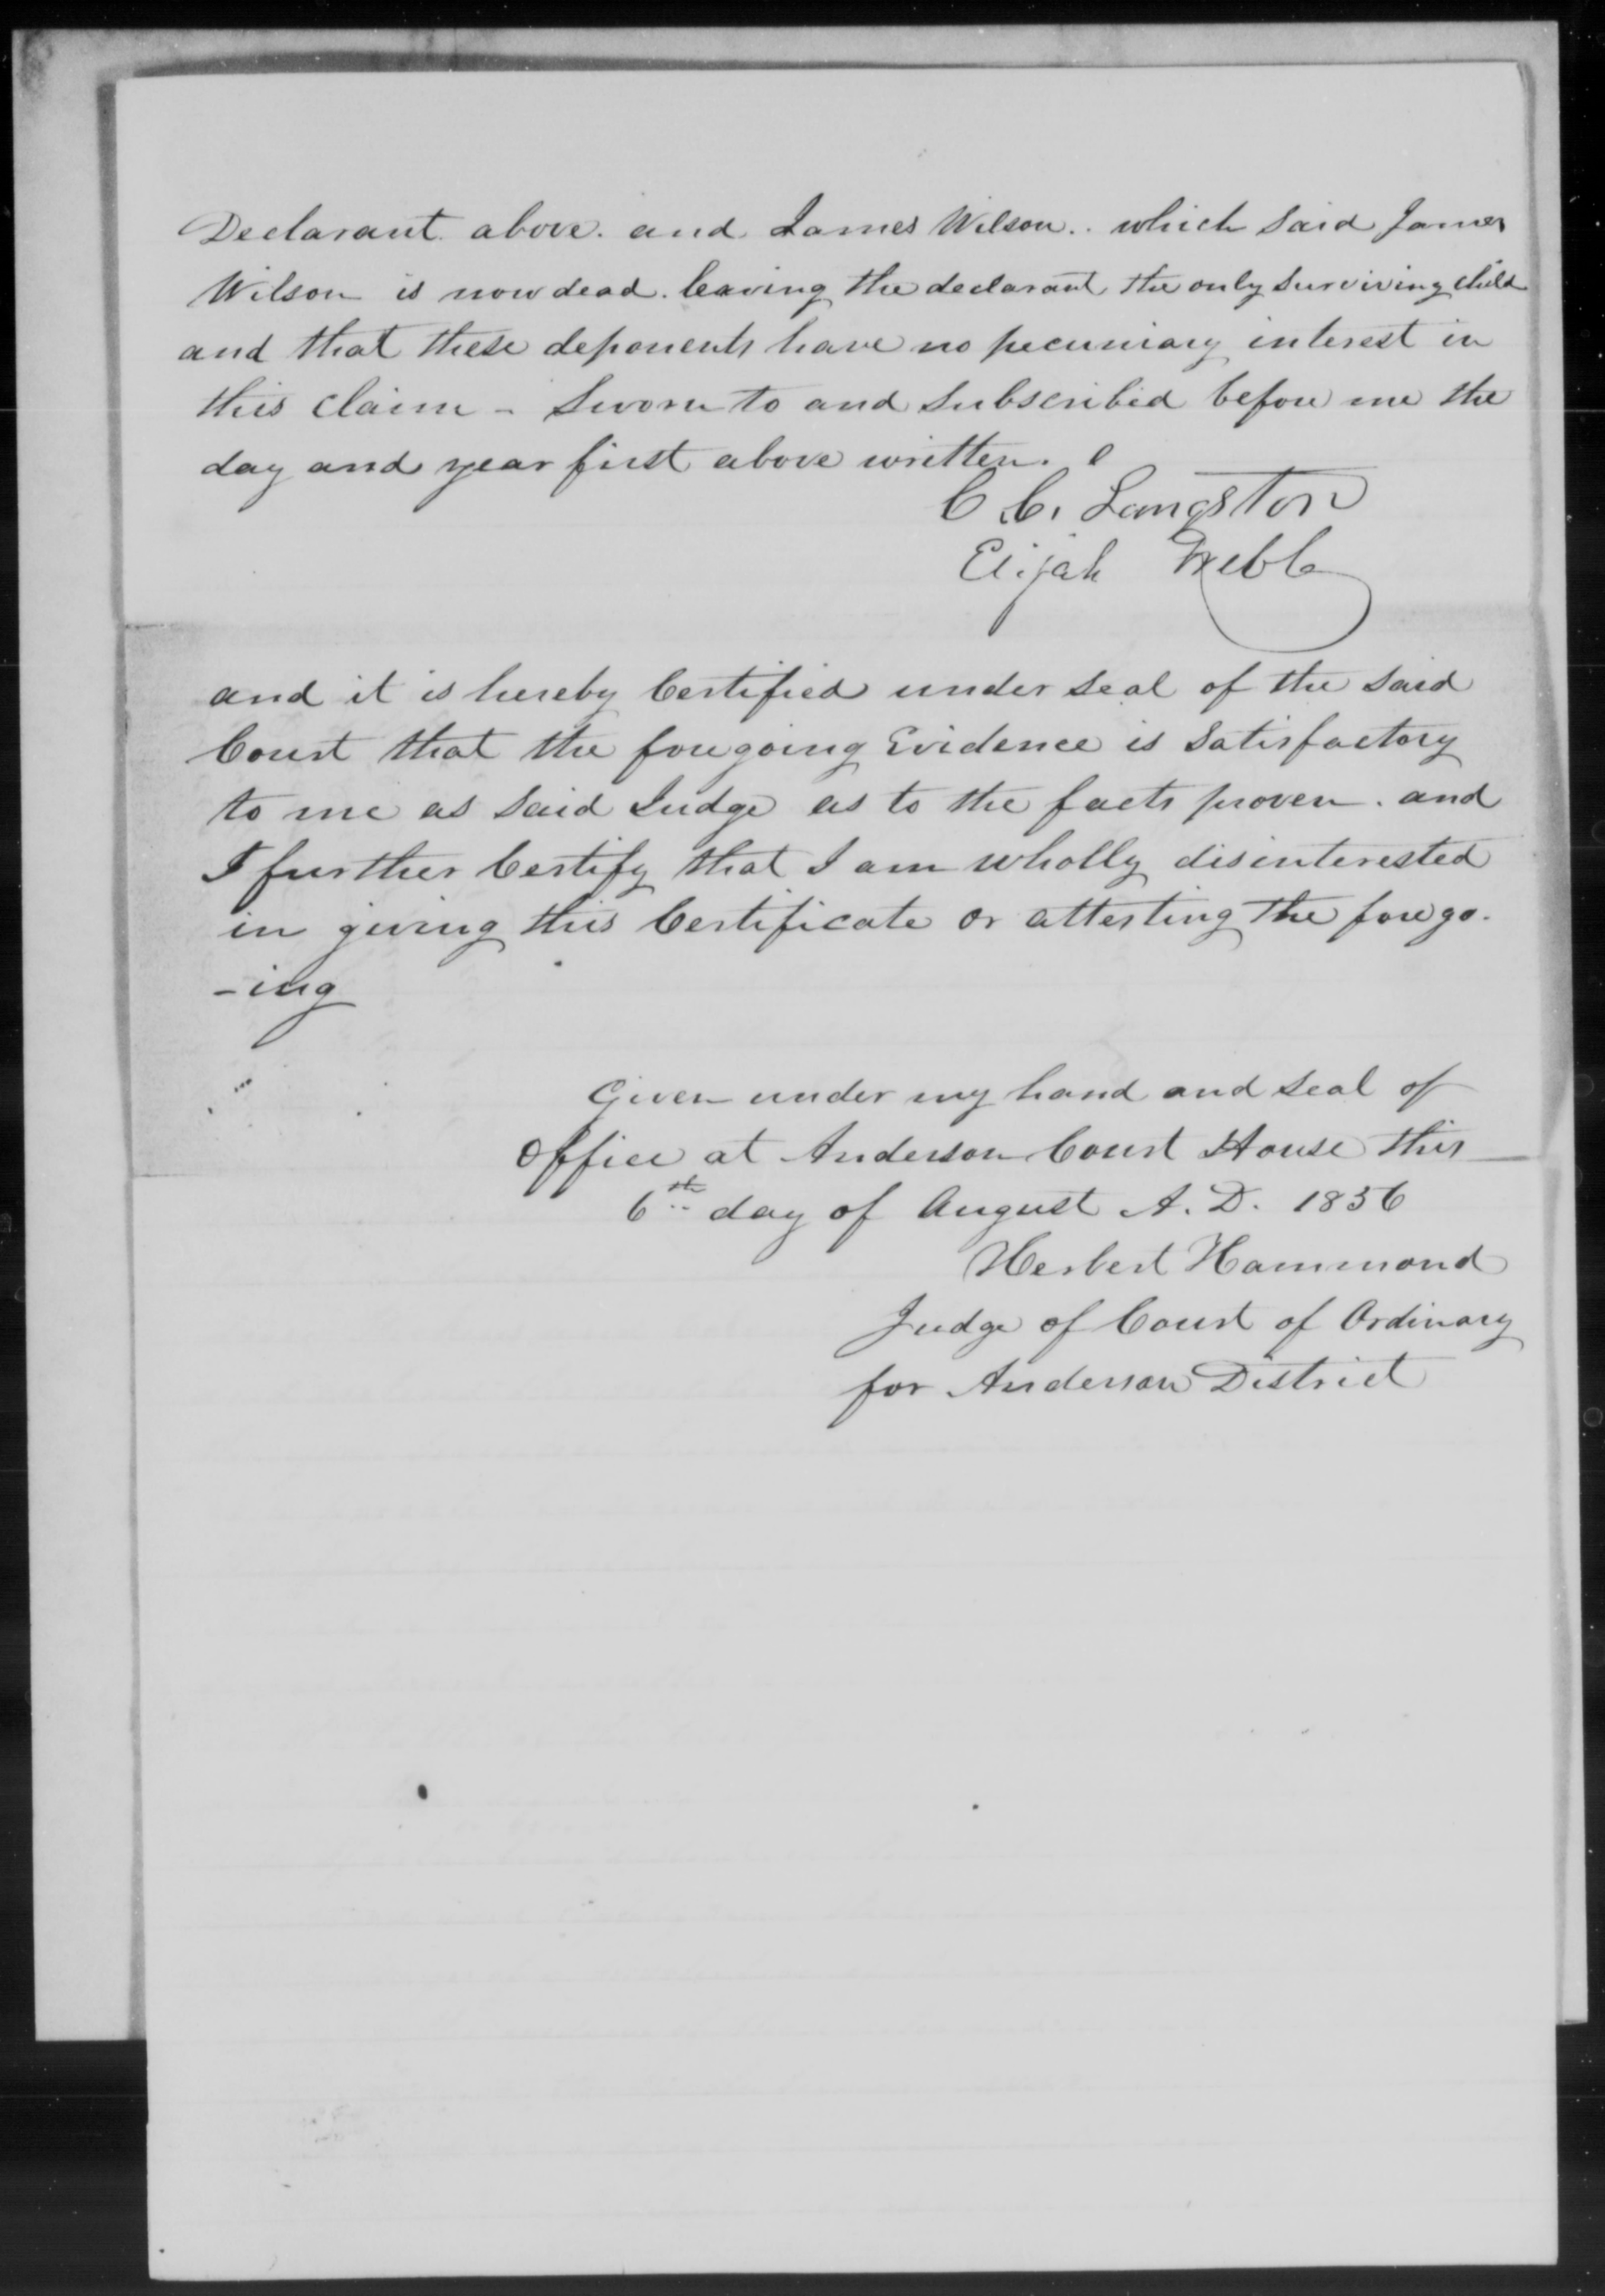Declarant above and James Wilson which said James
Wilson is now dead, leaving the declarant the only surviving child
and that these deponents have no pecuniary interest in 
this claim - Sworn to and subscribed before me the 
day and year first above written.

C. C. Langston
Elijah Webb

and it is hereby certified under Seal of the said 
Court that the foregoing evidence is satisfactory 
to me as said Judge as to the facts proven, and 
I further certify that I am wholly disinterested
in giving this Certificate or attesting the foregoing

Given under my hand and Seal of 
Office at Anderson Court House this
6th day of August A.D. 1856

Herbert Hammond
Judge of Court of Ordinary
for Anderson District

[no seal visible]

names: Herbert Hammond, James Wilson, Elijah Webb, C C Langston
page: 5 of 18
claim: rejected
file: R. 195, James Wilson, S. C.